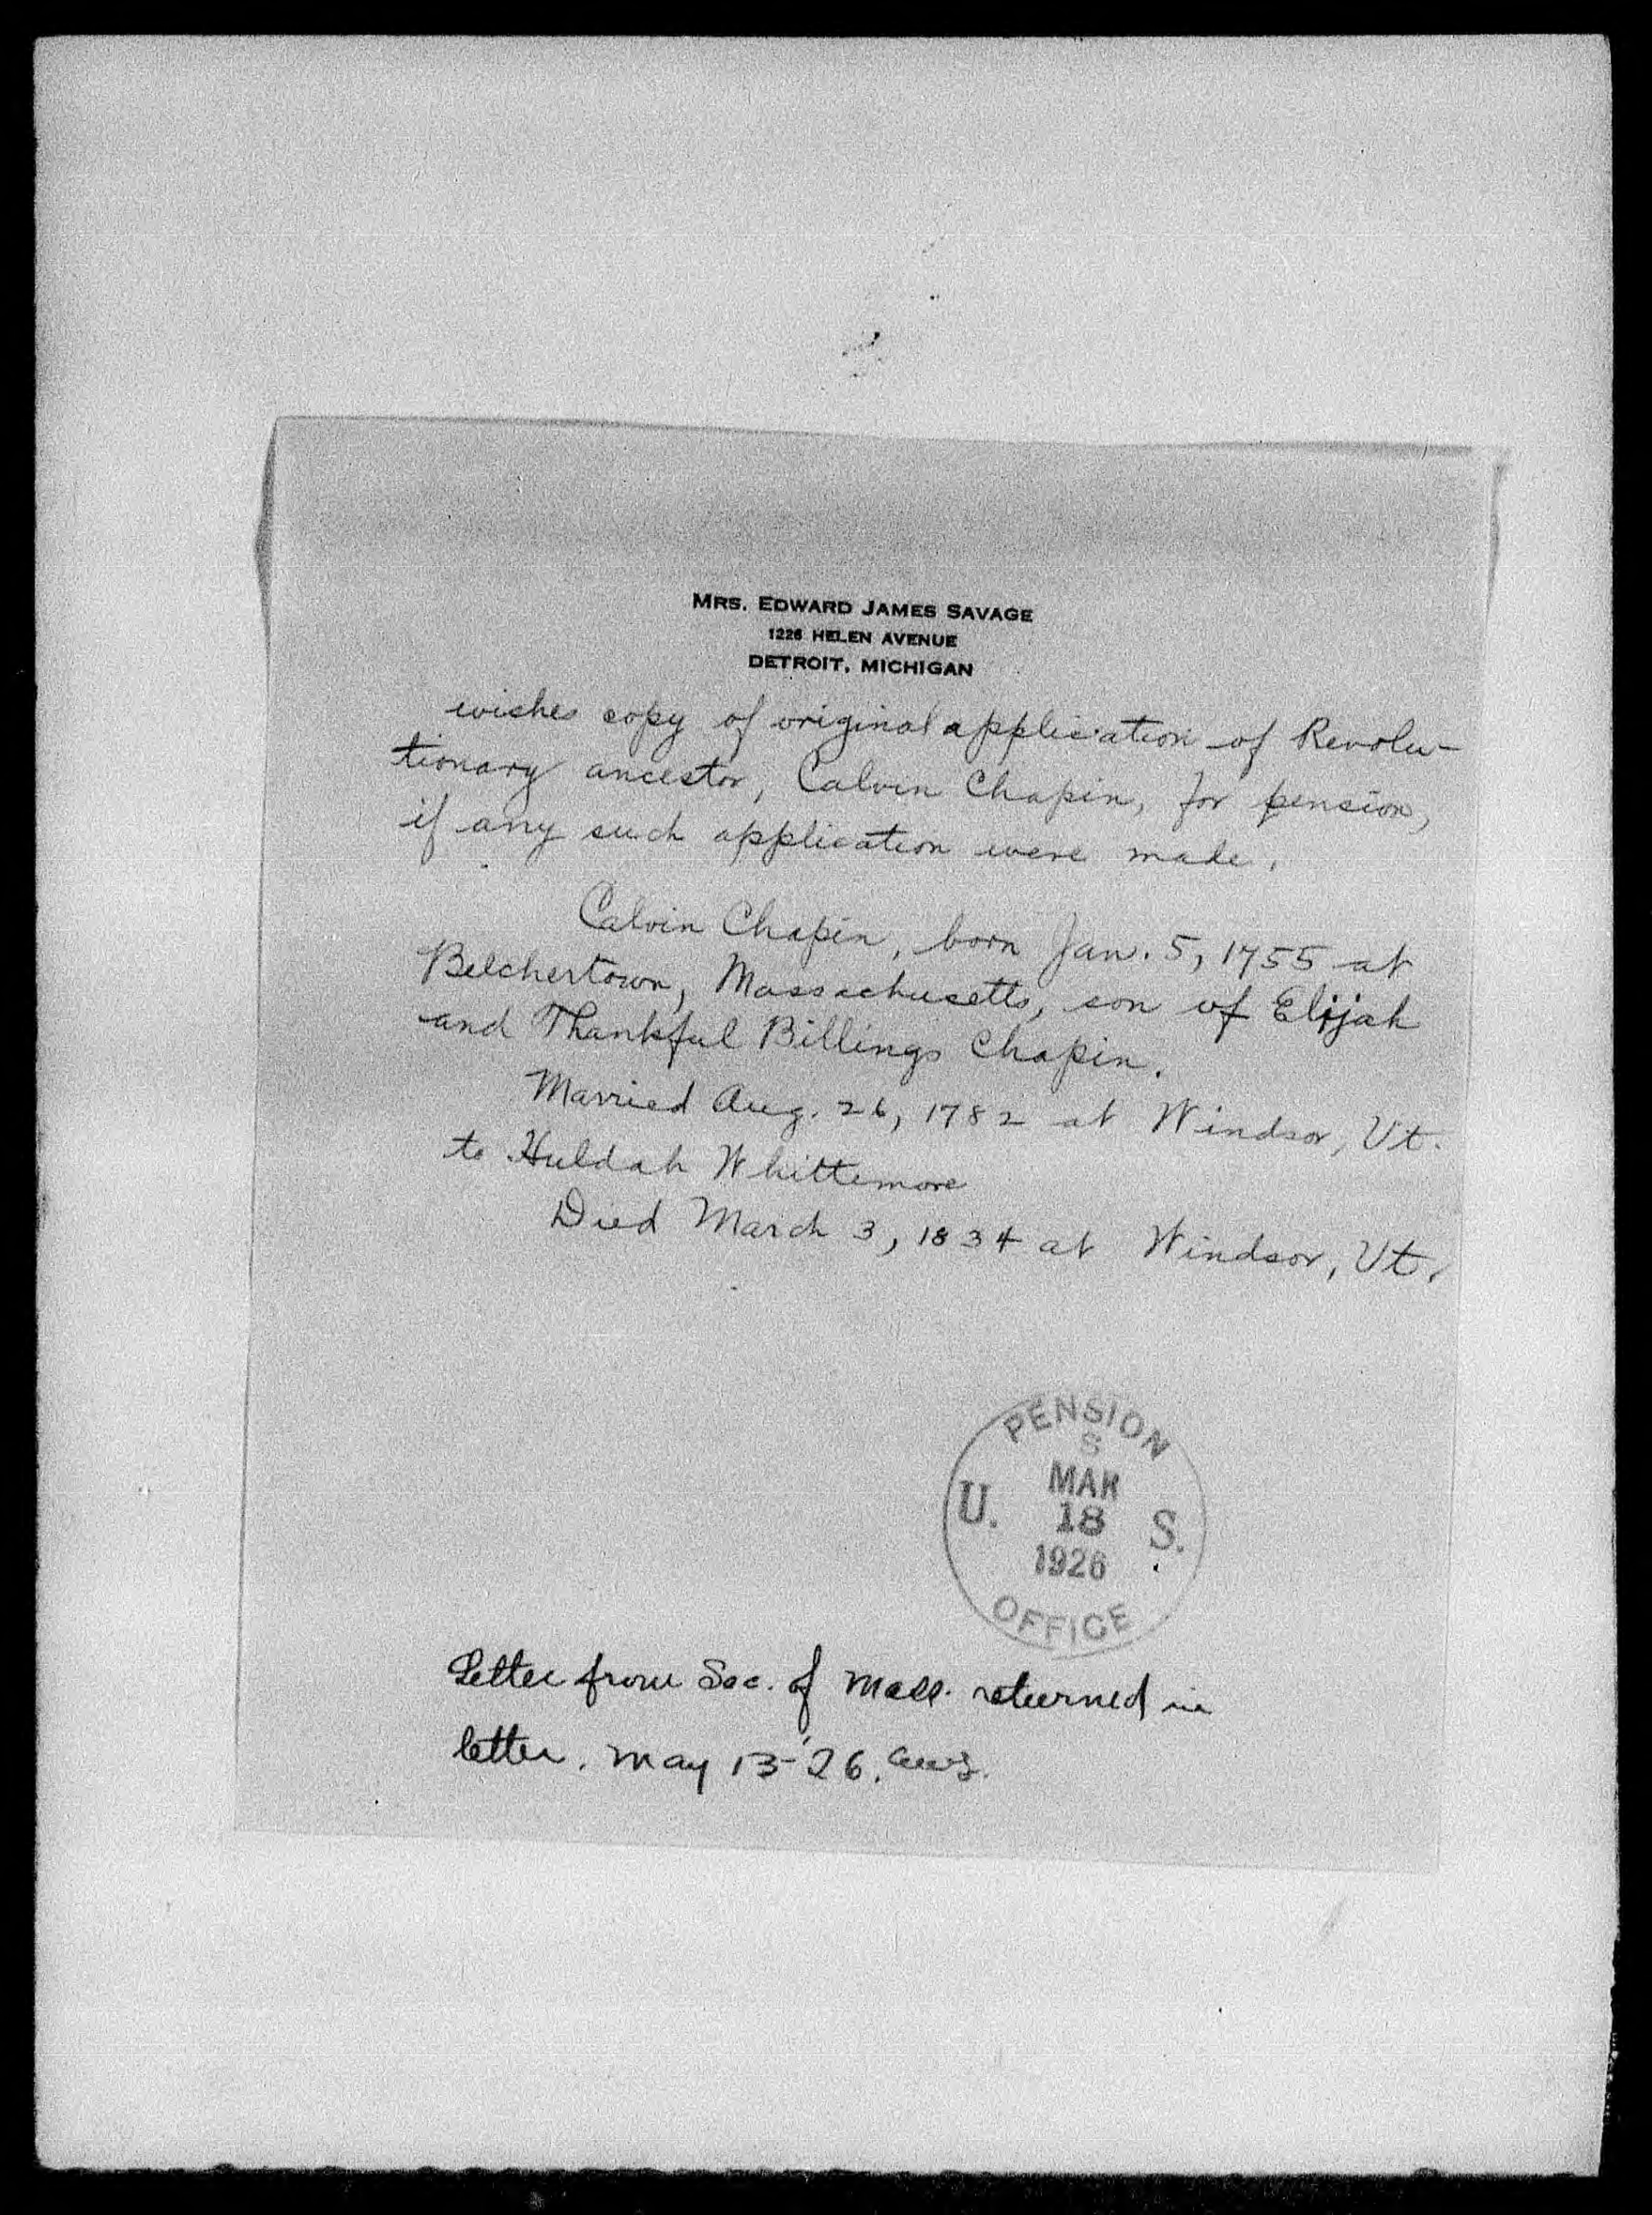[handwritten letter]
[letterhead: MRS. EDWARD JAMES SAVAGE 1226 HELEN AVENUE DETROIT, MICHIGAN]

wishes copy of original application of Revolutionary ancestor, Calvin Chapin, for pension, if any such application were made.
Calvin Chapin, born Jan. 5, 1755 at Belchertown, Massachusetts, son of Elijah and Thankful Billings Chapin. 
Married Aug. 26, 1782 at Windsor, Vt. to Huldah Whittemore
Died March 3, 1834 at Windsor, Vt.
[receipt stamp: U. S. PENSION OFFICE S MAR 18 1926]

Letter from Sec. of Mass. returned in letter. may 13-26, [initialed: AWS]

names: Elijah Chapin, Thankful Billings Chapin, Edward James Savage, Calvin Chapin, Calvin Chapin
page: 26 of 35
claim: widow's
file: W. 20,864, Calvin Chapin, Mass. Vt.